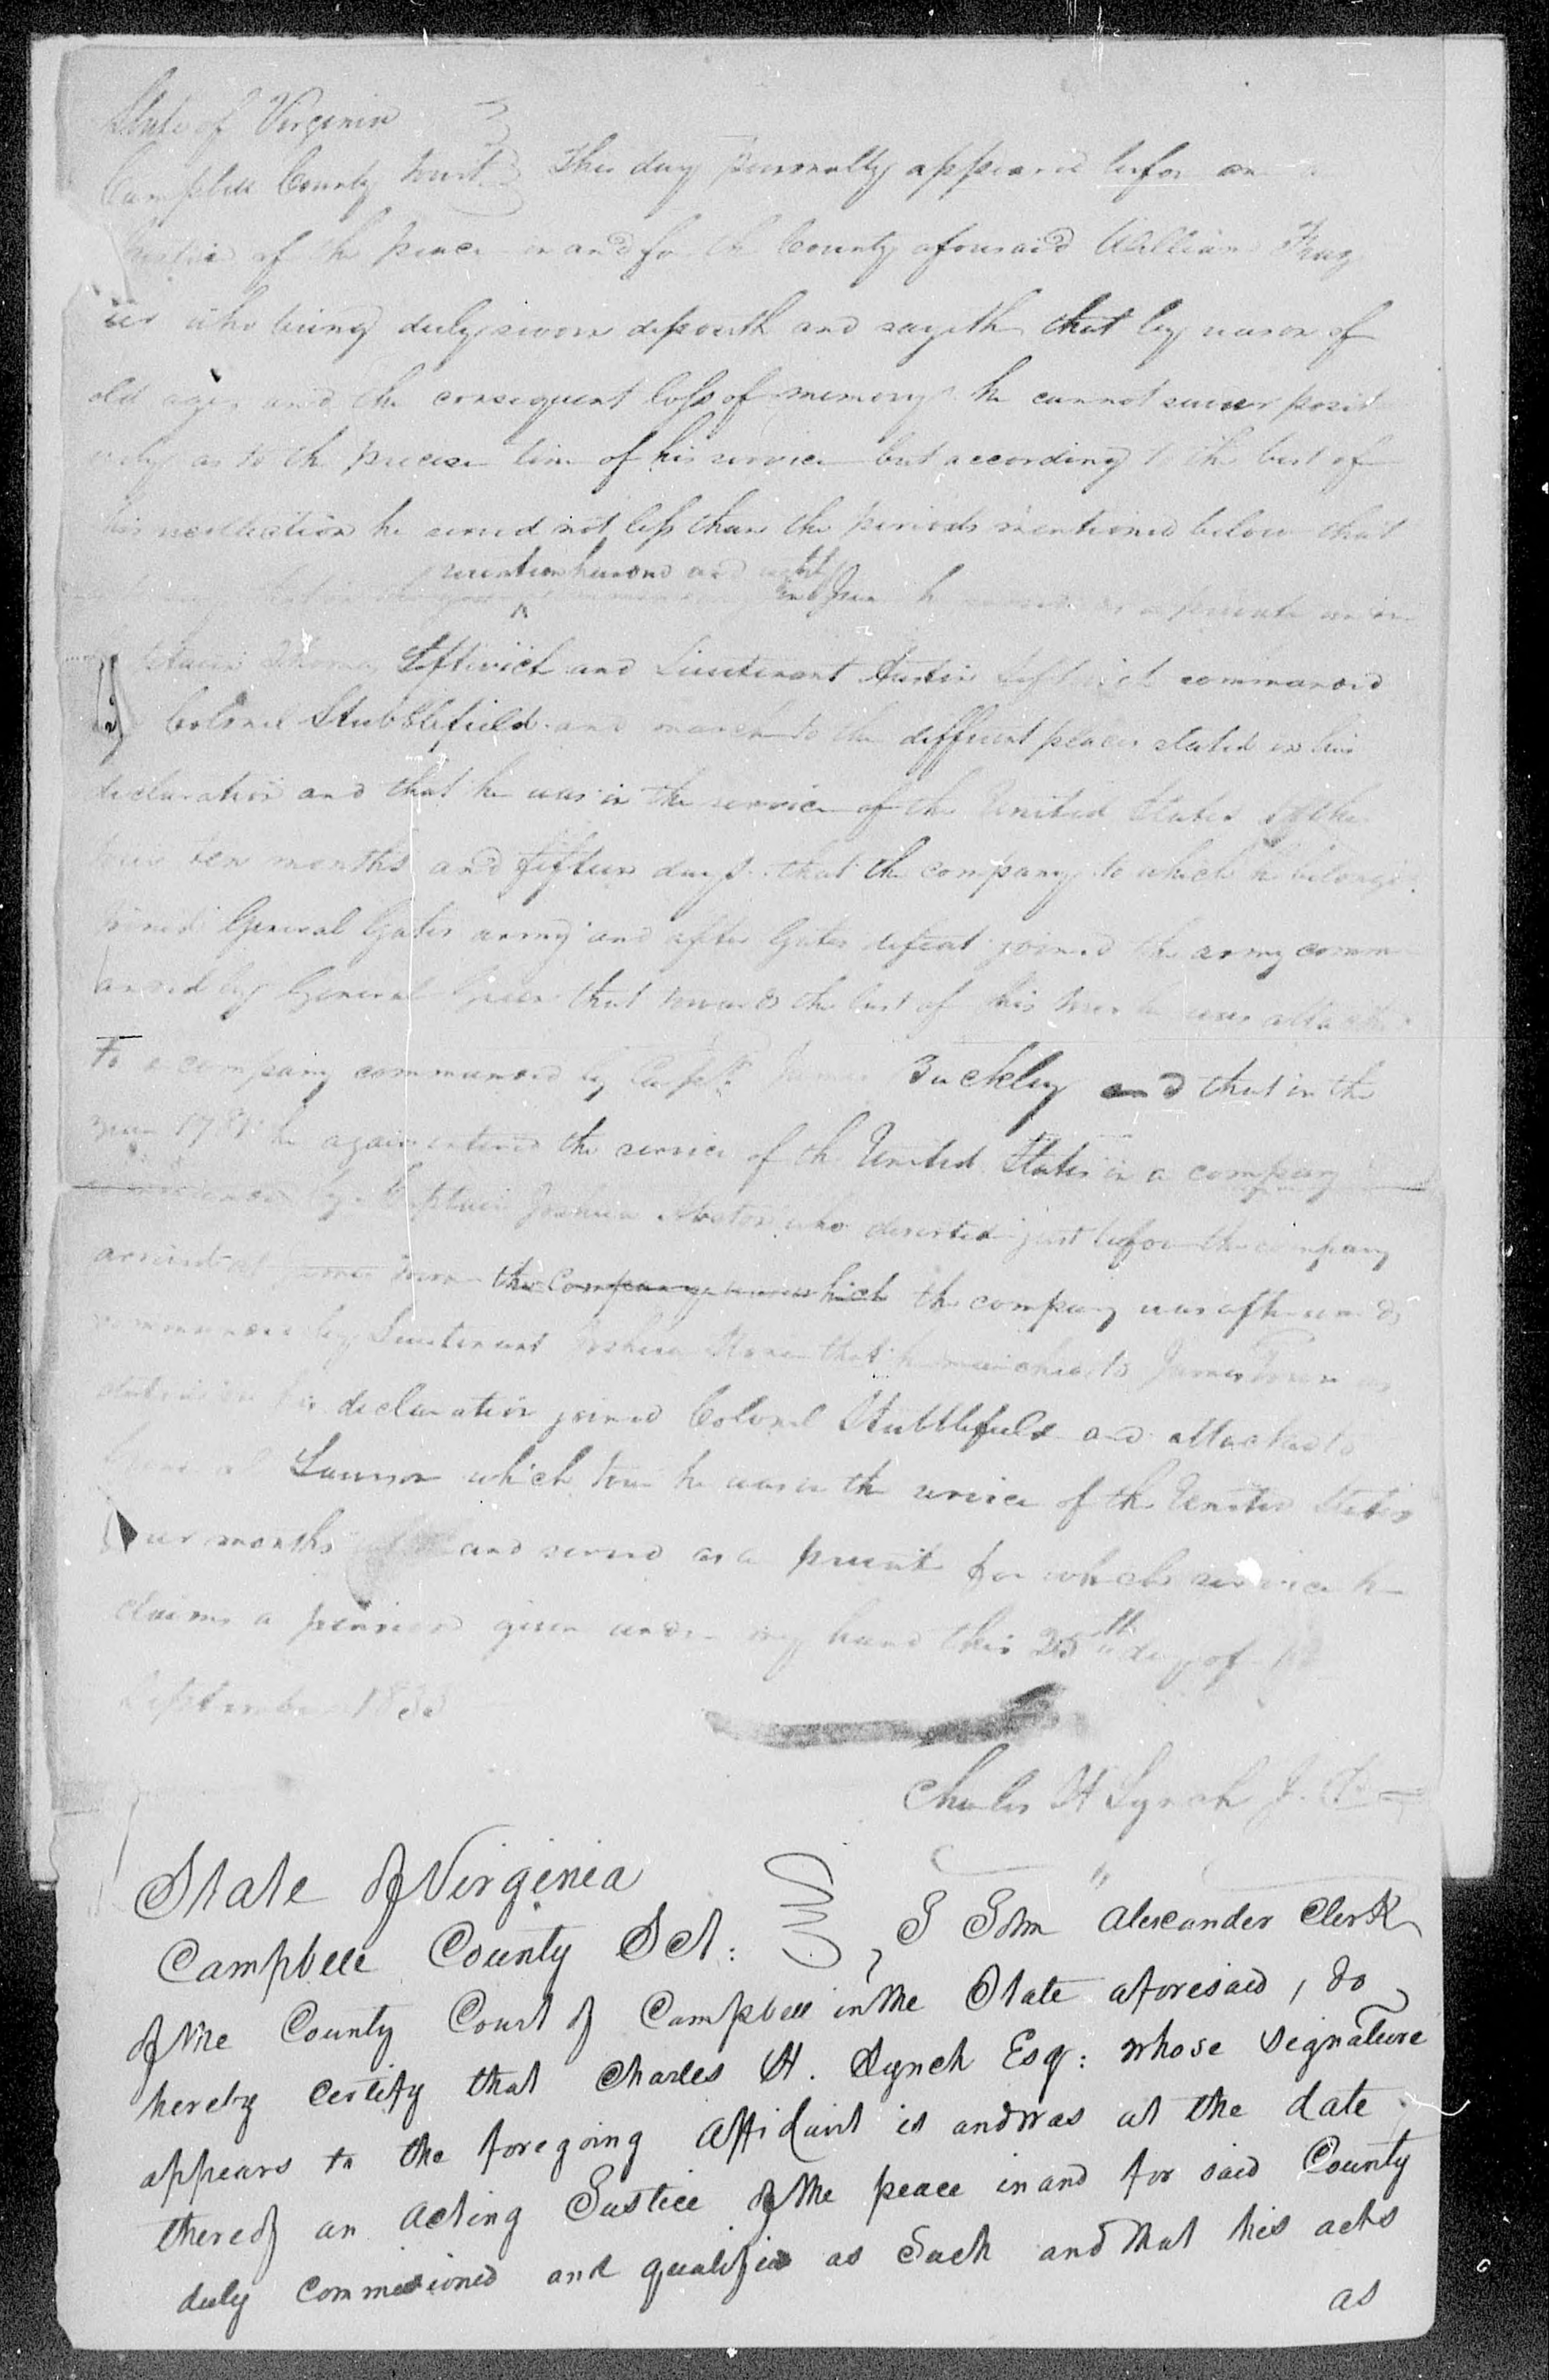State of Virginia 

Campbell County Court 

The day formally appeared before an Justice of the peace in and for the County aforesaid William Fraz-ier who being duly sworn deposeth and sayeth that by reason of old age and the consequent loss of memory he cannot swear posit-ively as to the precise time of his service but according to the best of his recollection he served not less than the periods mentioned below that mention him and with [illegible] Thomas Leftwich and Lieutenant Austin Leftwich commanded Colonel Stubblefield and march to the different places stated in his declaration and that he was in the service of the United States at the time ten months and fifteen days that the company to which he belong Joined General Gates army and after Gates defeat joined the army comm-anded by General Green that him & the last of his hire [illegible] To a company commanded by Capt. James Buckley and that in the year 1787 he again entered the service of the United States in a company commanded by Captain Joshua Stone who deserted just before the company arrived at James Town the Company [illegible] the company was afterwards commanded by Lieutenant Stone that he marched to James Town [illegible] his declaration joined Colonel Stubblefield and attached to General Lawson which time he was in the service of the United States our months and served as a [illegible] for which service he claims a pension given under my hand this 25th day of September 1833 Charles H. Lynch J. [illegible] 

State of Virginia 

Campbell County S A: }, I John Alexander Clerk of the County Court of Campbell in the State Aforesaid, do hereby certify that Charles H. Lynch Esq. whose signature appears to the foregoing affidavit is and was at the date thereof an acting Justice of the peace in and for said County duly commissioned and qualified as such and that his acts as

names: Charles H Lynch, Lawson, Greer, John Alexander, James Buckley, William Frazier, Stubblefield, Gates, Stubblefield, Charles H Lynch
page: 12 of 13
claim: survivor's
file: S. 17966, William Frazier, Va.